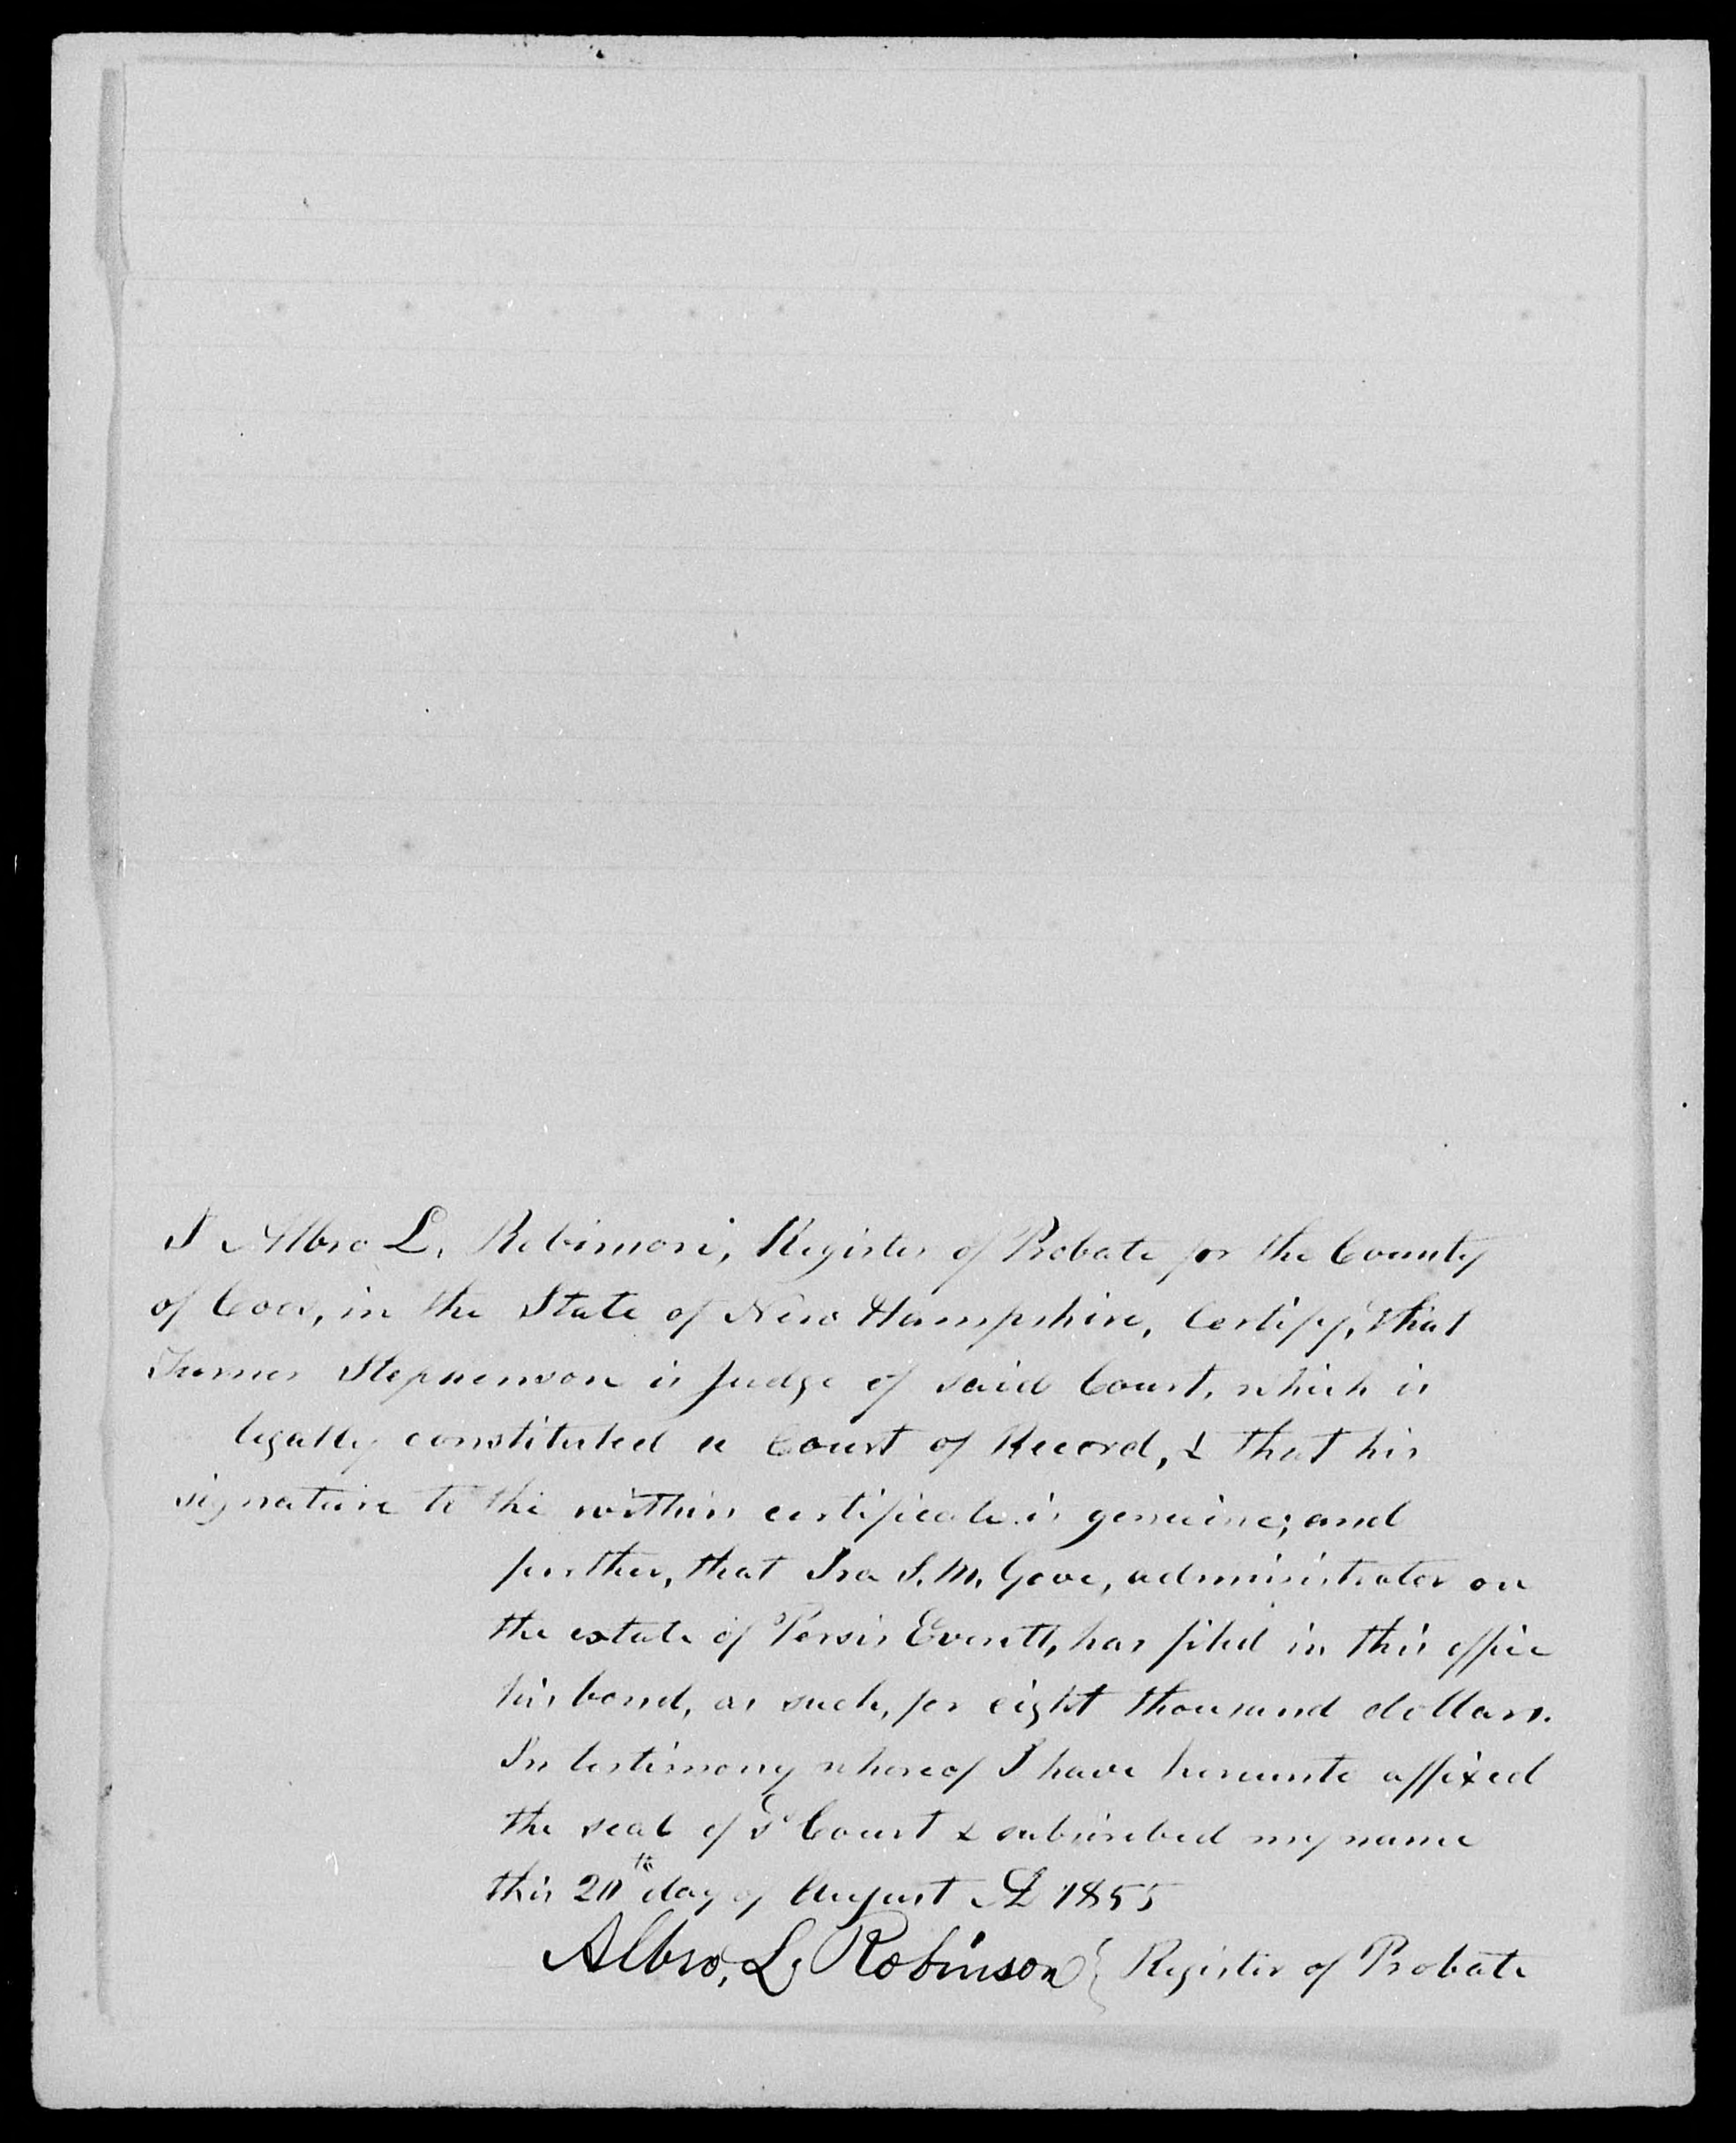I Albro L. Robinson, Register of Probate for the County of Cows, in the State of New Hampshire, certify, that Turner Stephenson is Judge of such Court, which is legally constituted a court of Record, & that his signature to the within certificate is genuine; and further, that Isa S. M. Gove, administrator on the estate of Persis Everett, has filed in this office his bond, as such, for eight thousand dollars.  In testimony whereof I have herewith affixed the seal of Court & subscribed my name this 20th day of August A 1855. Albro L Robinson, Register of Probate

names: Persis Everett, Ira S M Gove, Albro L Robinson, Albro L Robinson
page: 14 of 59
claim: widow's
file: W. 23017, Richard Clair Everett, Mass.